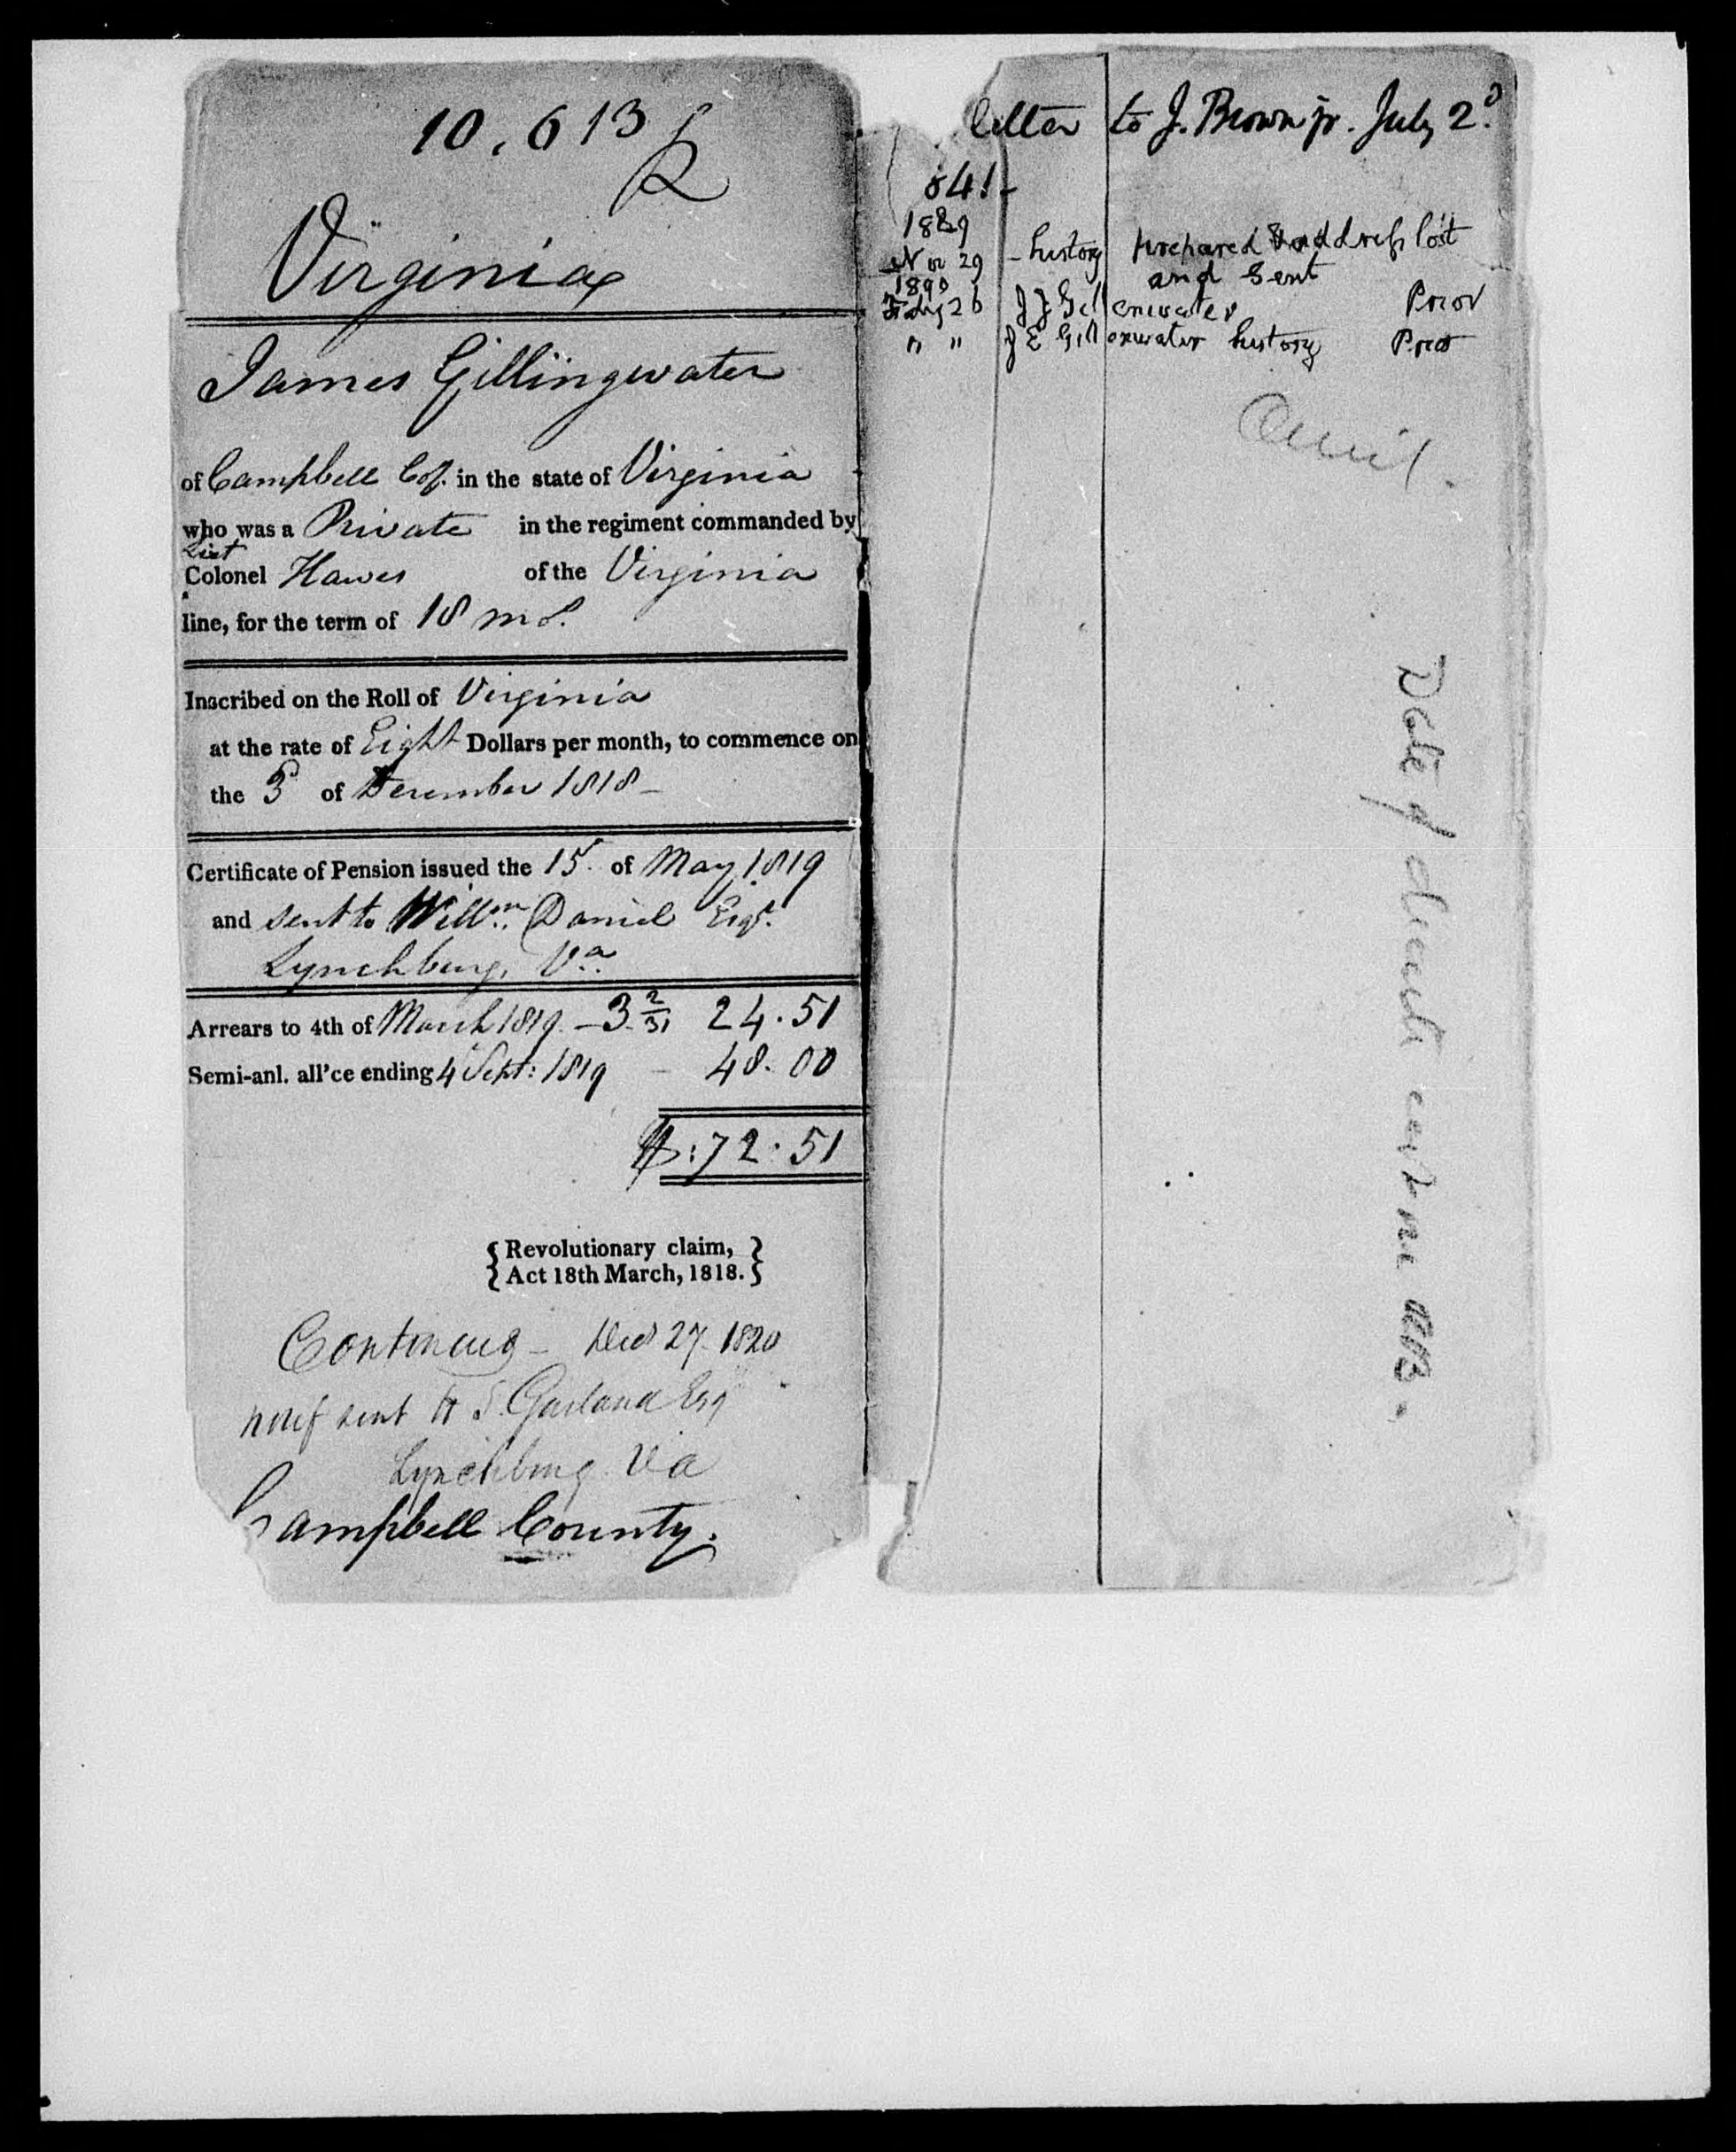[Left Side]
10,613
R

Virginia

James Gillingwater of Campbell Co 8. in the state of Virginia who was a Private in the regiment commanded by ^Liut Colonel Hawes of the Virginia line, for the term of 10 mo.

Inscribed on the Roll of Virginia at the rate of Eight Dollars per month, to commence on the 3 of December 1818

Certificate of Pension issued the 15 of May 1819 and sent to Willm Daniel Eig. Lynchburg Va.

Arrears to 4th of March 1819. -  3 2/31 24.51
Semi-anl. all'ce ending 4 Sept: 1819 -  48.00
$72.51

{Revolutionary claim, Act 18th March, 1818}

[Handwritten at the bottom. "Continues - [illegible Dec] 27, 1820 [illegible] Garland [illegible] Lynchburg, Va Campbell County."]

[Right Side]
[Partially illegible due to tear. "—letter"] to J. Burn jr. July 20, [1]841-
1889
Nov 29 - history prepared [illegible] post
and sent
1890
February 26    J J 
J E [inelligible] history
[illegible]

[Written by hand with a pencil. "[illegible]"]

[Written by hand with a pencil, sideways. "Date of [illegible]."]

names: Hawes, James Gillingwater, Willm Daniel, S Garland, J Brown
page: 2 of 36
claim: survivor's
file: S. 39570, James Gillingwater, Va.